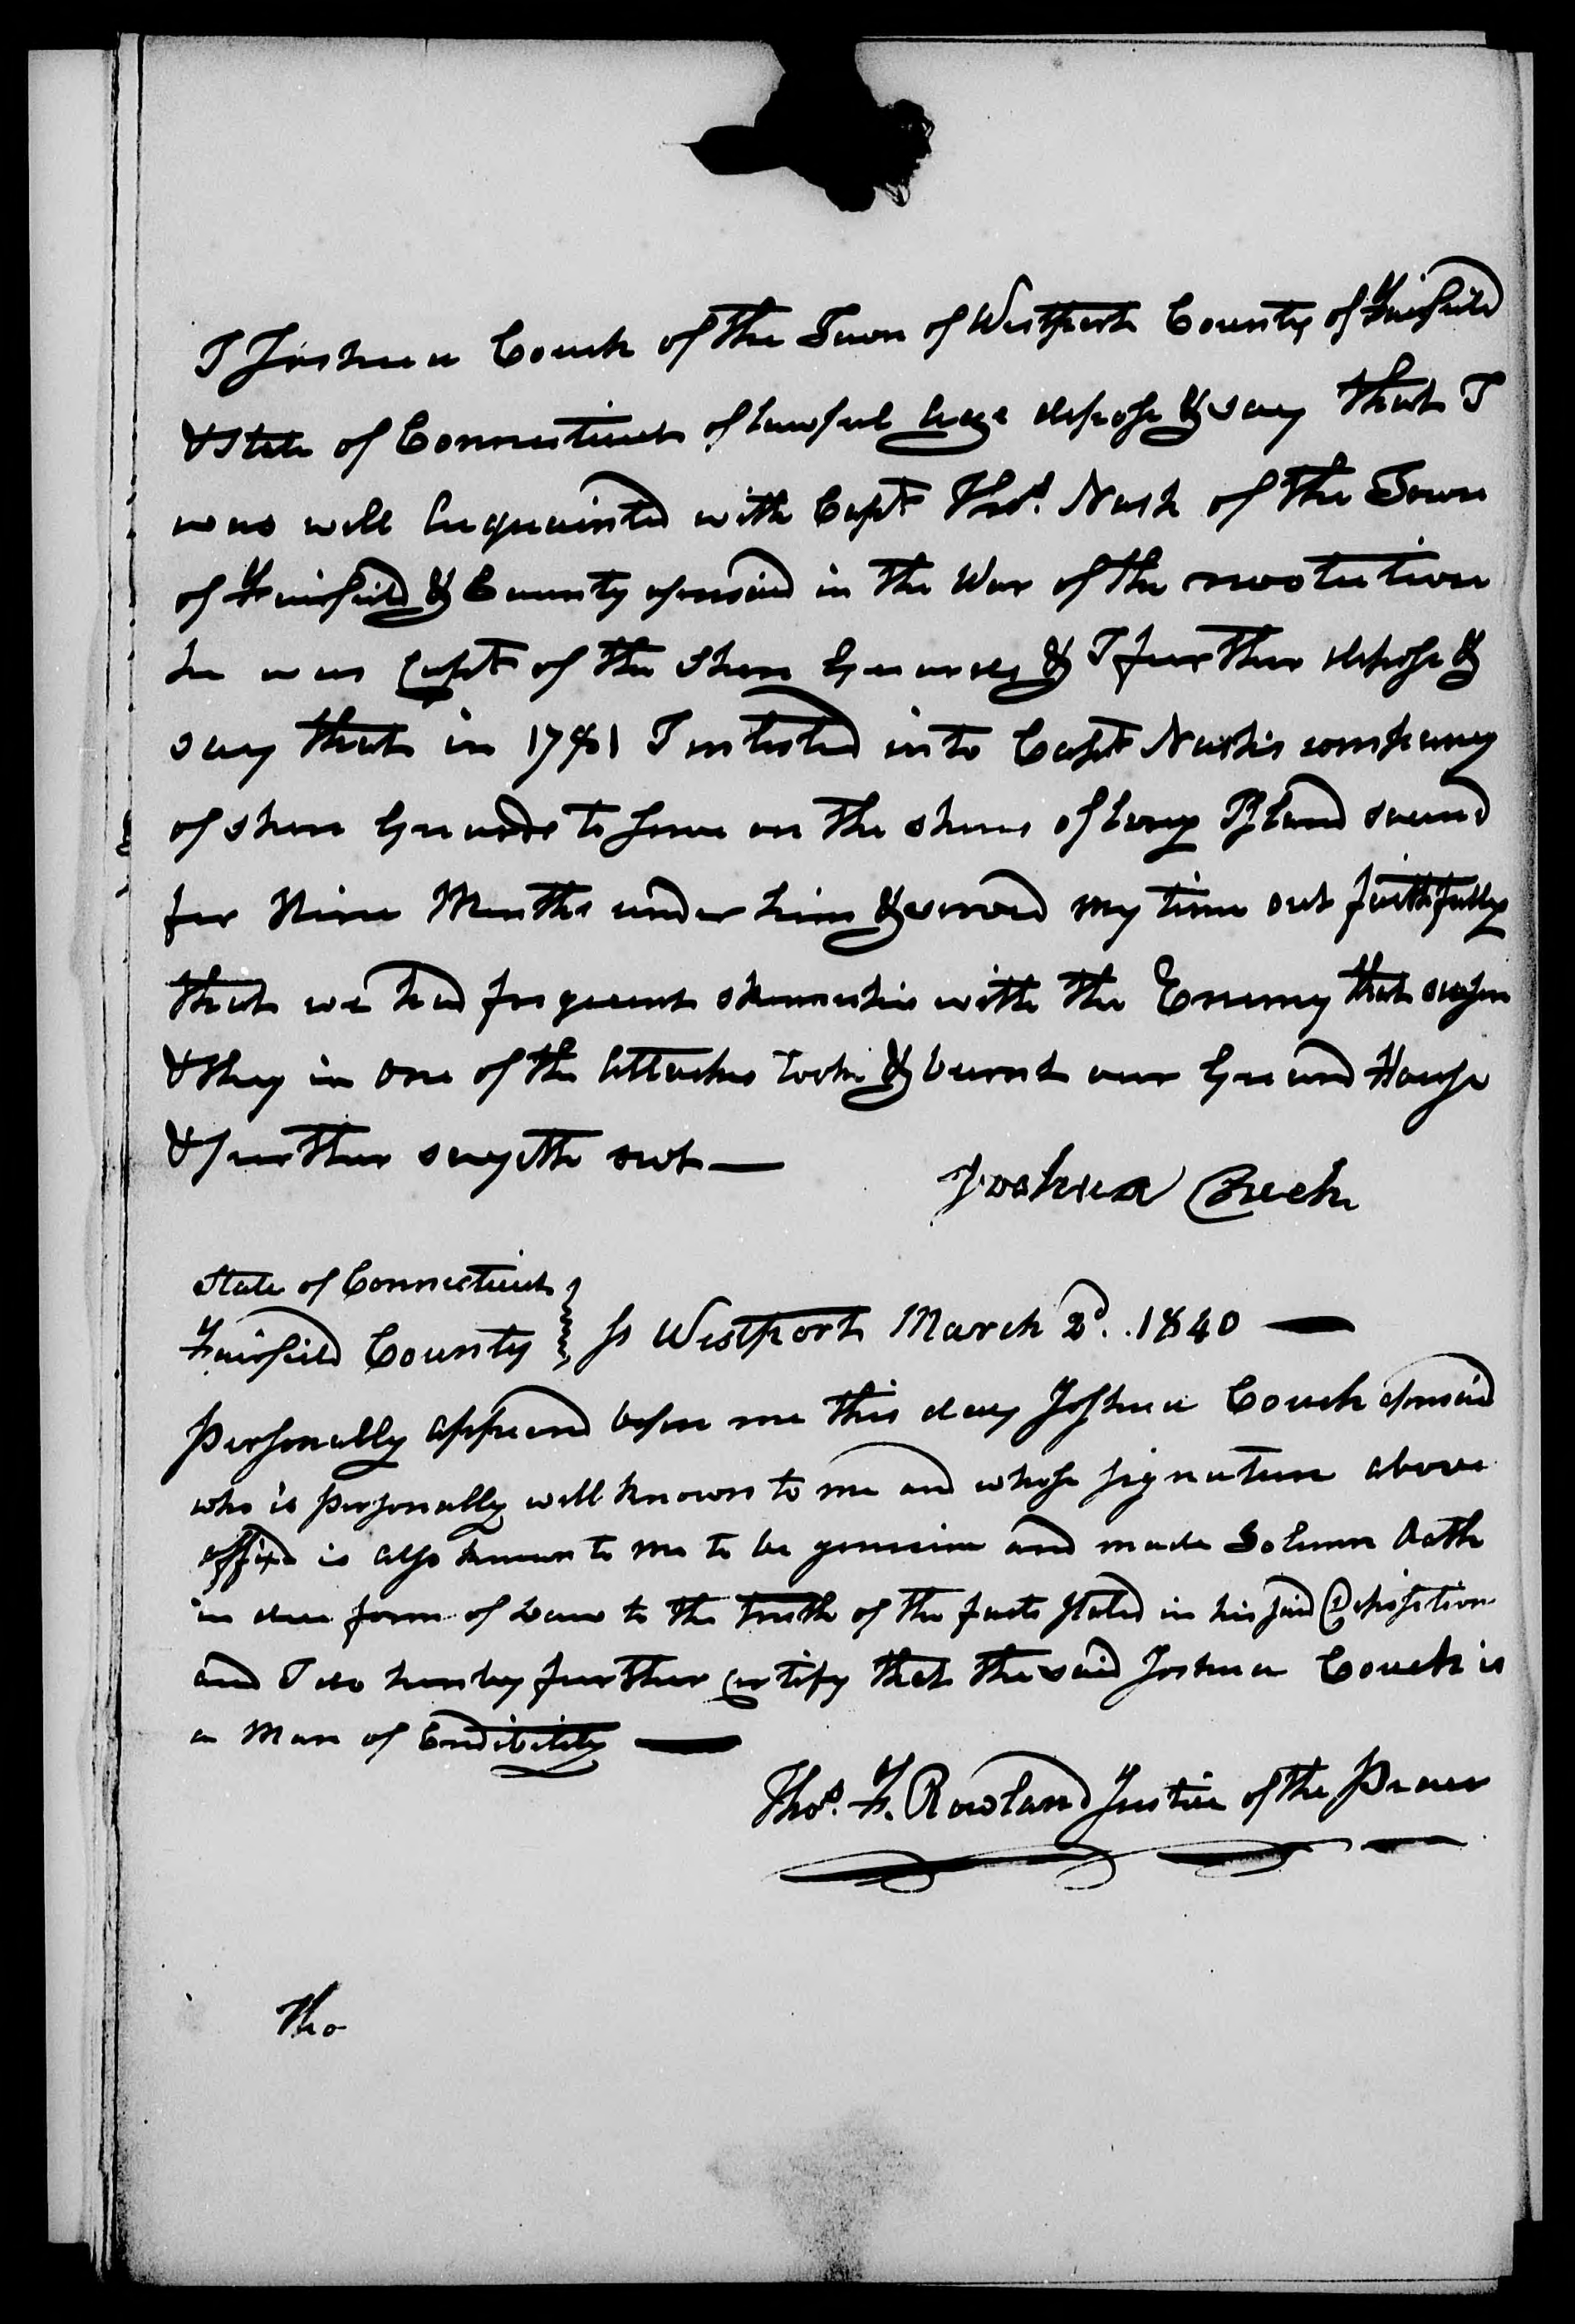I Joshua Couch of the Town of Westport County of Fairfield
& State of Connecticut of lawful age depose & say that I
as well acquainted with Capt Thos Nash of the Town of
Fairfield & County aforesaid in the War of the revolution
he was capt of the the guards & I further depose &
say that in 1781 I enlisted into Capt Nash's company
of those Guards to serve on the shores of Long Island served
for Nine months under him & served my time out faithfully
that we had frequent skirmishes with the Enemy then one Jan
& they in one of the attacks took & burned our Guard House
& further sayeth out-
Joshua Couch
State of Connecticut
Fairfield County
ss Westport March 2d 1840
Personally appeared before me this day Joshua Couch deposed
who is personally well known to me and whose signature above
affixed is also known to me to be genuine and made Solemn Oath
in the form of Law to the truth of the facts stated in his said deposition
and I do hereby further certify that the said Joshua Couch is
man of credibility.
Thos F. Rowland Justice of the Peace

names: Joshua Couch, Thos F Rowland, Joshua Couch, Nash, Joshua Couch, Thos Nash, Joshua Couch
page: 31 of 69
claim: widow's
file: W. 25562, Abijah Elwood, Conn.